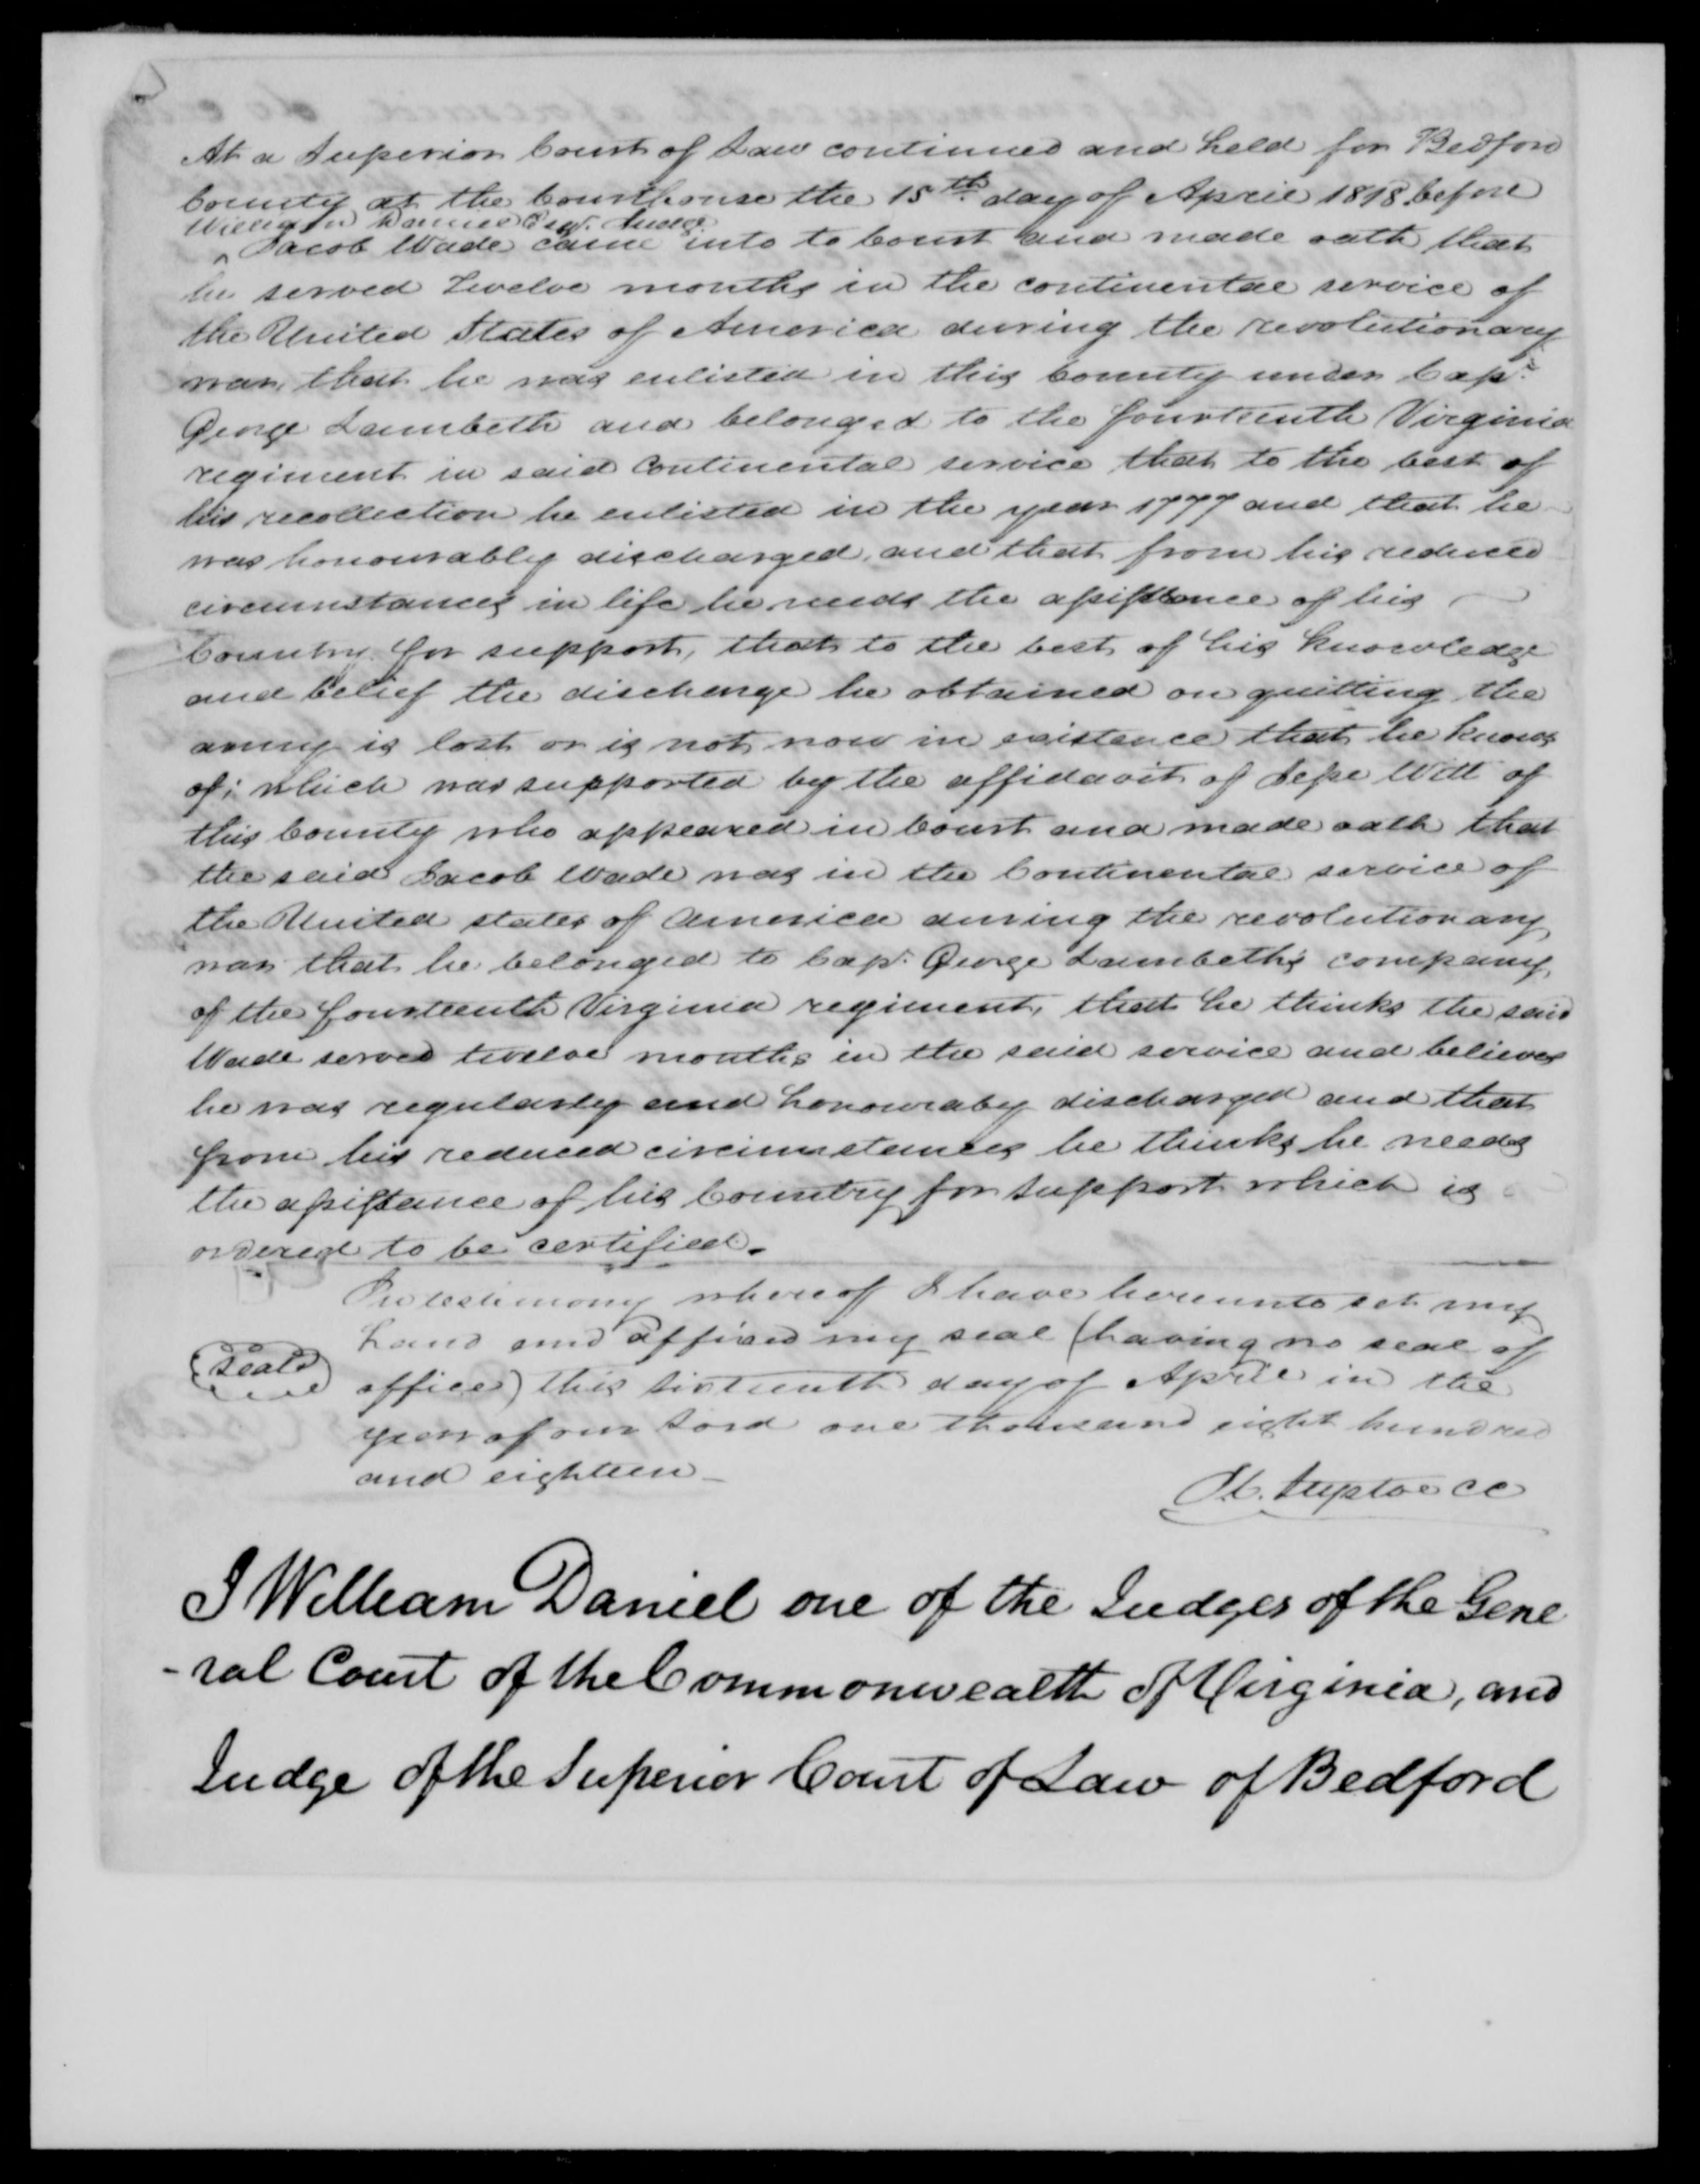At a Superior Court of Law continued and held for Bedford County, at the Courthouse the 15th day of April 1818 before William Daniel Esqr. Judge Jacob Wade came into to Court and made oath that he served Twelve months in the continental service of the United States of America during the revolutionary war, that he was enlisted in this County under Capt. George Lambeth and belonged to the fourteenth Virginia regiment in said continental service, that to the best of his recollection he enlisted in the year 1777 and that he was honourably discharged, and that from his reduced circumstances in life he needs the assistance of his County for support, that to the best of his knowledge and belief the discharge he obtained on quitting the army is lost or is not now in existence that he knows of : which was supported by the affidavit of Jesse Witt of this County who appeared in Court and made oath that the said Jacob Wade was in the Continental service of the United States of America during the revolutionary war that he belonged to Capt. George Lambeth's company, of the fourteenth Virginia regiment, that he thinks the said Wade served twelve months in the said service and believes he was regularly and honourably discharged and that from his reduced circumstances he thinks he needs the assistance of his Country for support which is ordered to be certified.
In testimony whereof I have hereunto set my hand and affixed my seal (having no seal of office) this sixteenth day of April in the year of our Lord one thousand eight hundred and eighteen.         J. C. Steptoe CC [seal affixed]

I William Daniel one of the Judges of the General Court of the Commonwealth of Virginia, and Judge of the Superior Court of Law of Bedford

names: William Daniel, Wade, Jacob Wade, George Lambeth, J C Steptoe, Jacob Wade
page: 4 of 10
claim: survivor's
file: S. 41290, Jacob Wade, Va.